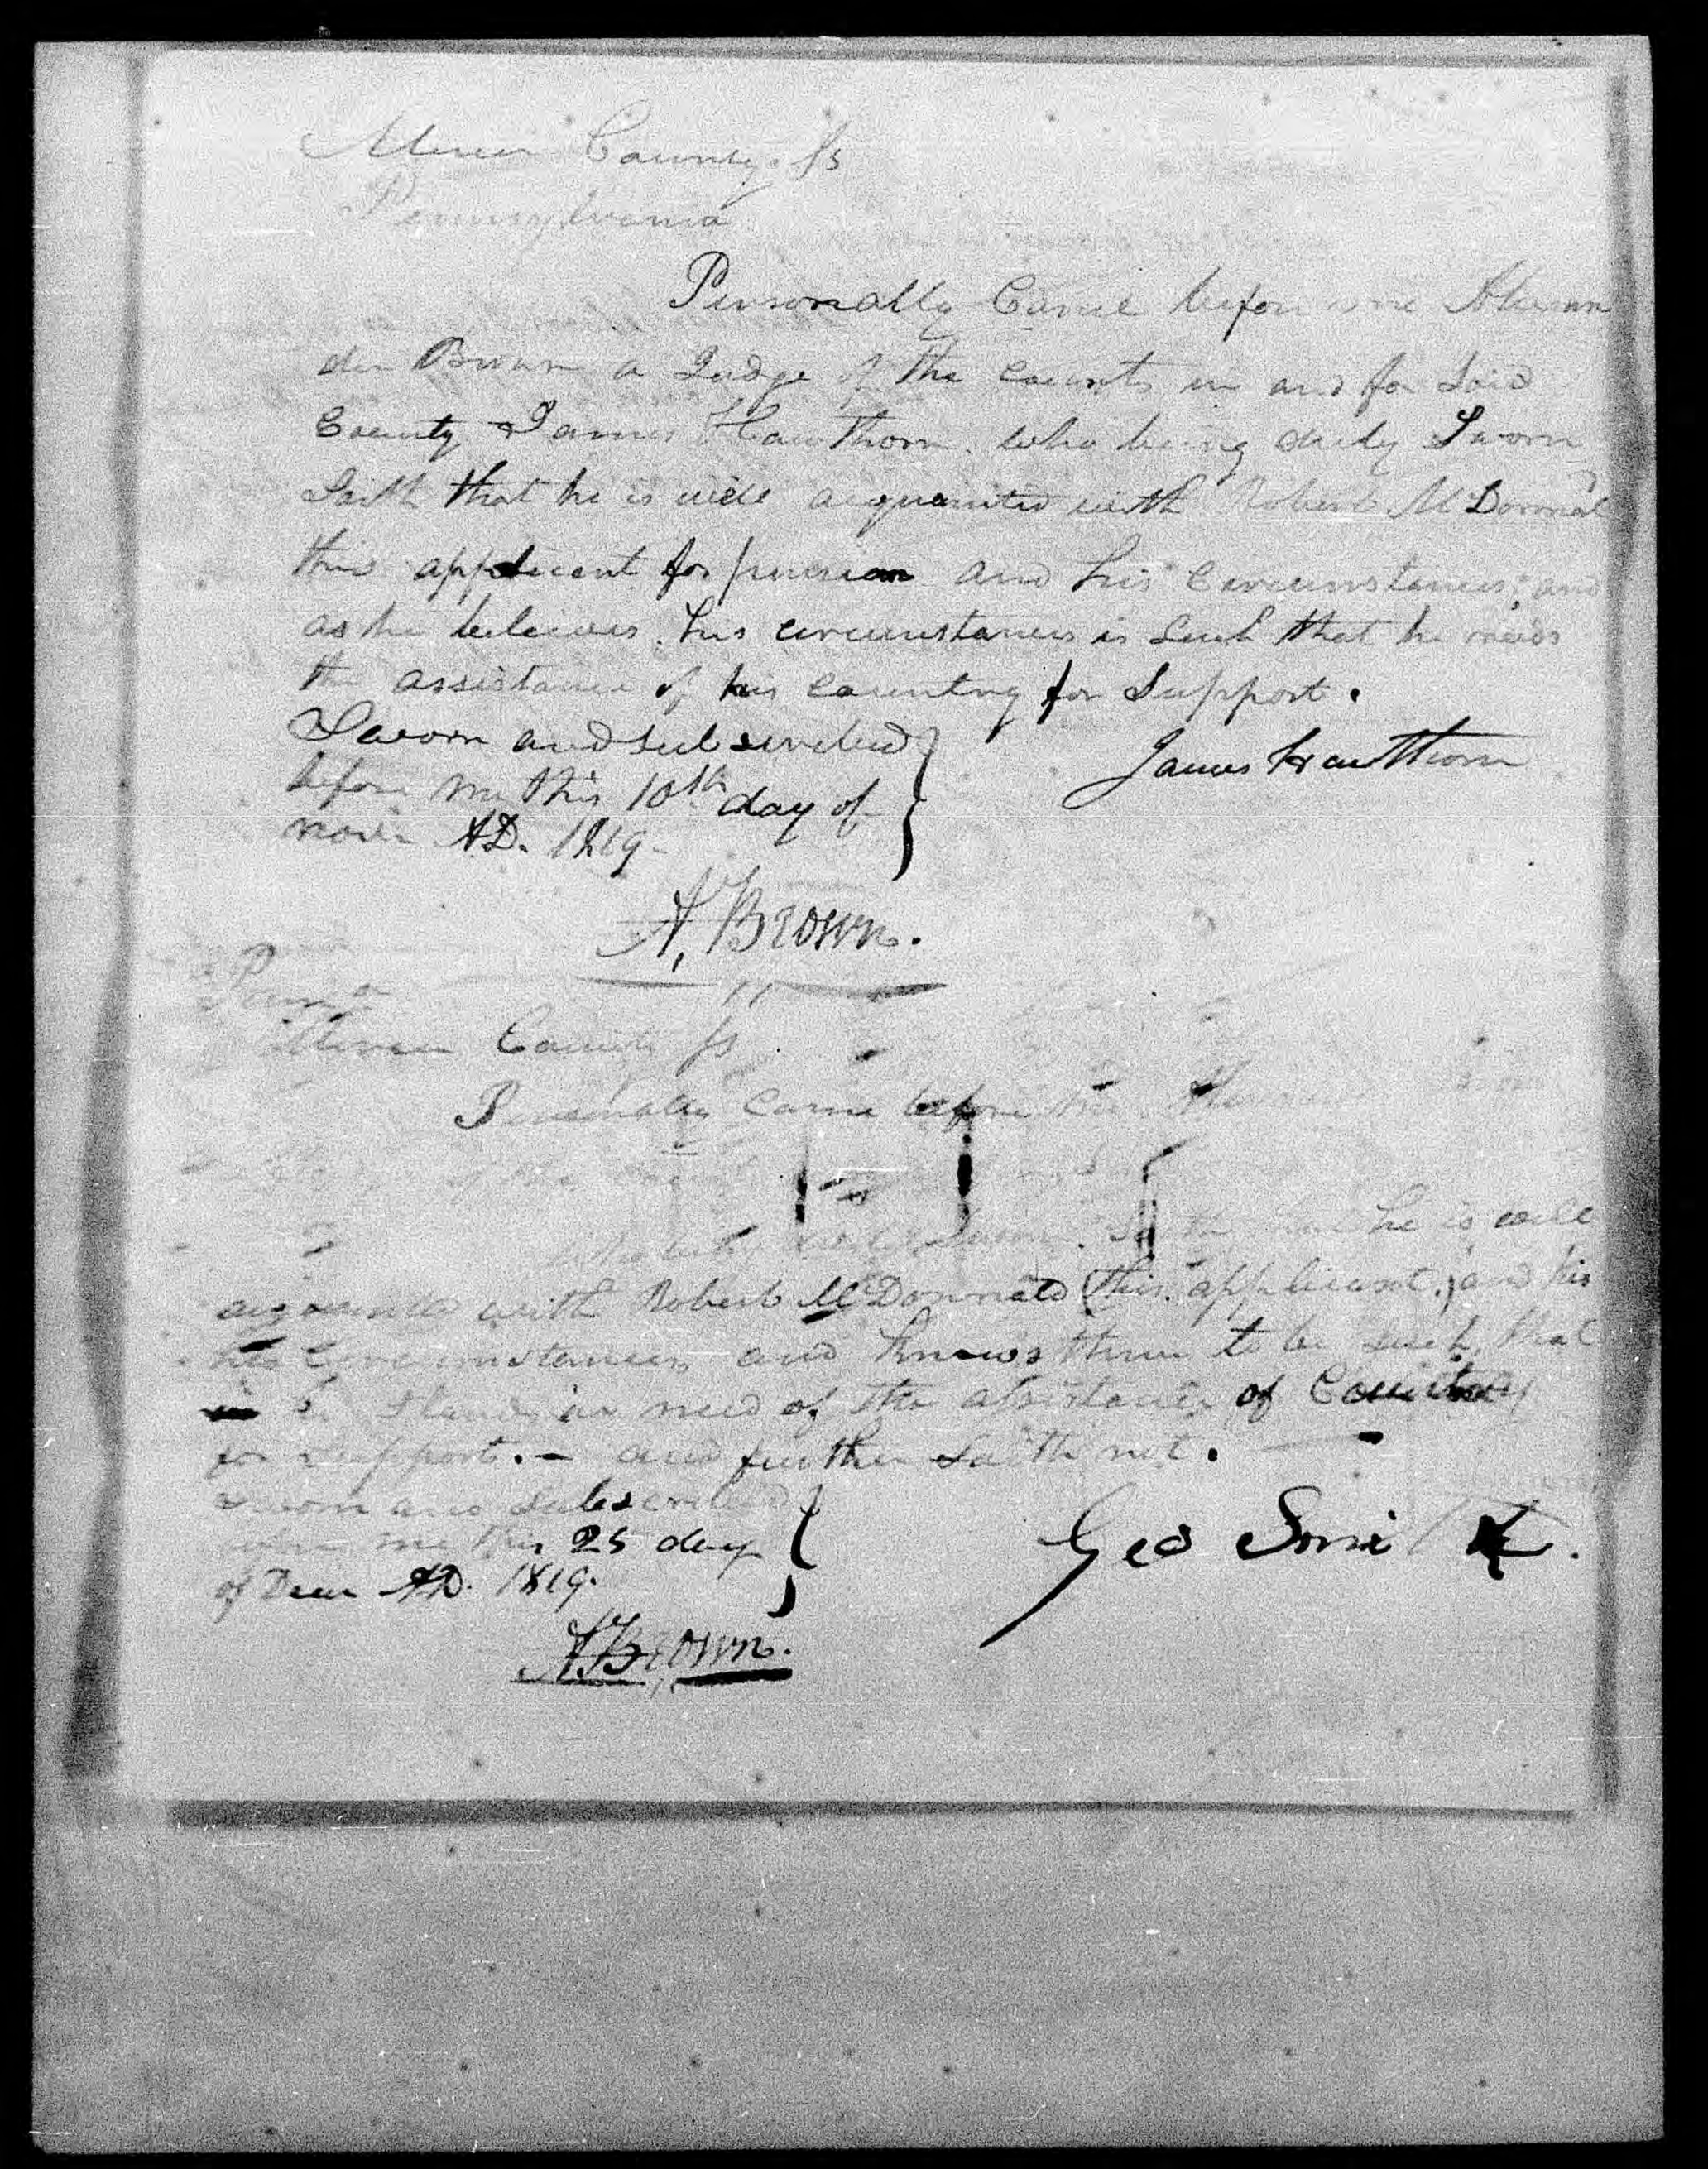Mercer County
Pennsylvania
Personally came before me Alexander Brown a Judge of the Court in and for said County James Hawthorn who being duly sworn saith that he is well acquainted with Robert McDonald this applicant for pension and his circumstances and as he believes his circumstances is such that he needs the assistance of his country for support James Hawthorn
Sworn and subscribed before me this 10th day of November A.DE. 1819.
A. Brown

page: 10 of 59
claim: widow's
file: W 3703, for Robert Mc Donald, Pennsylvania